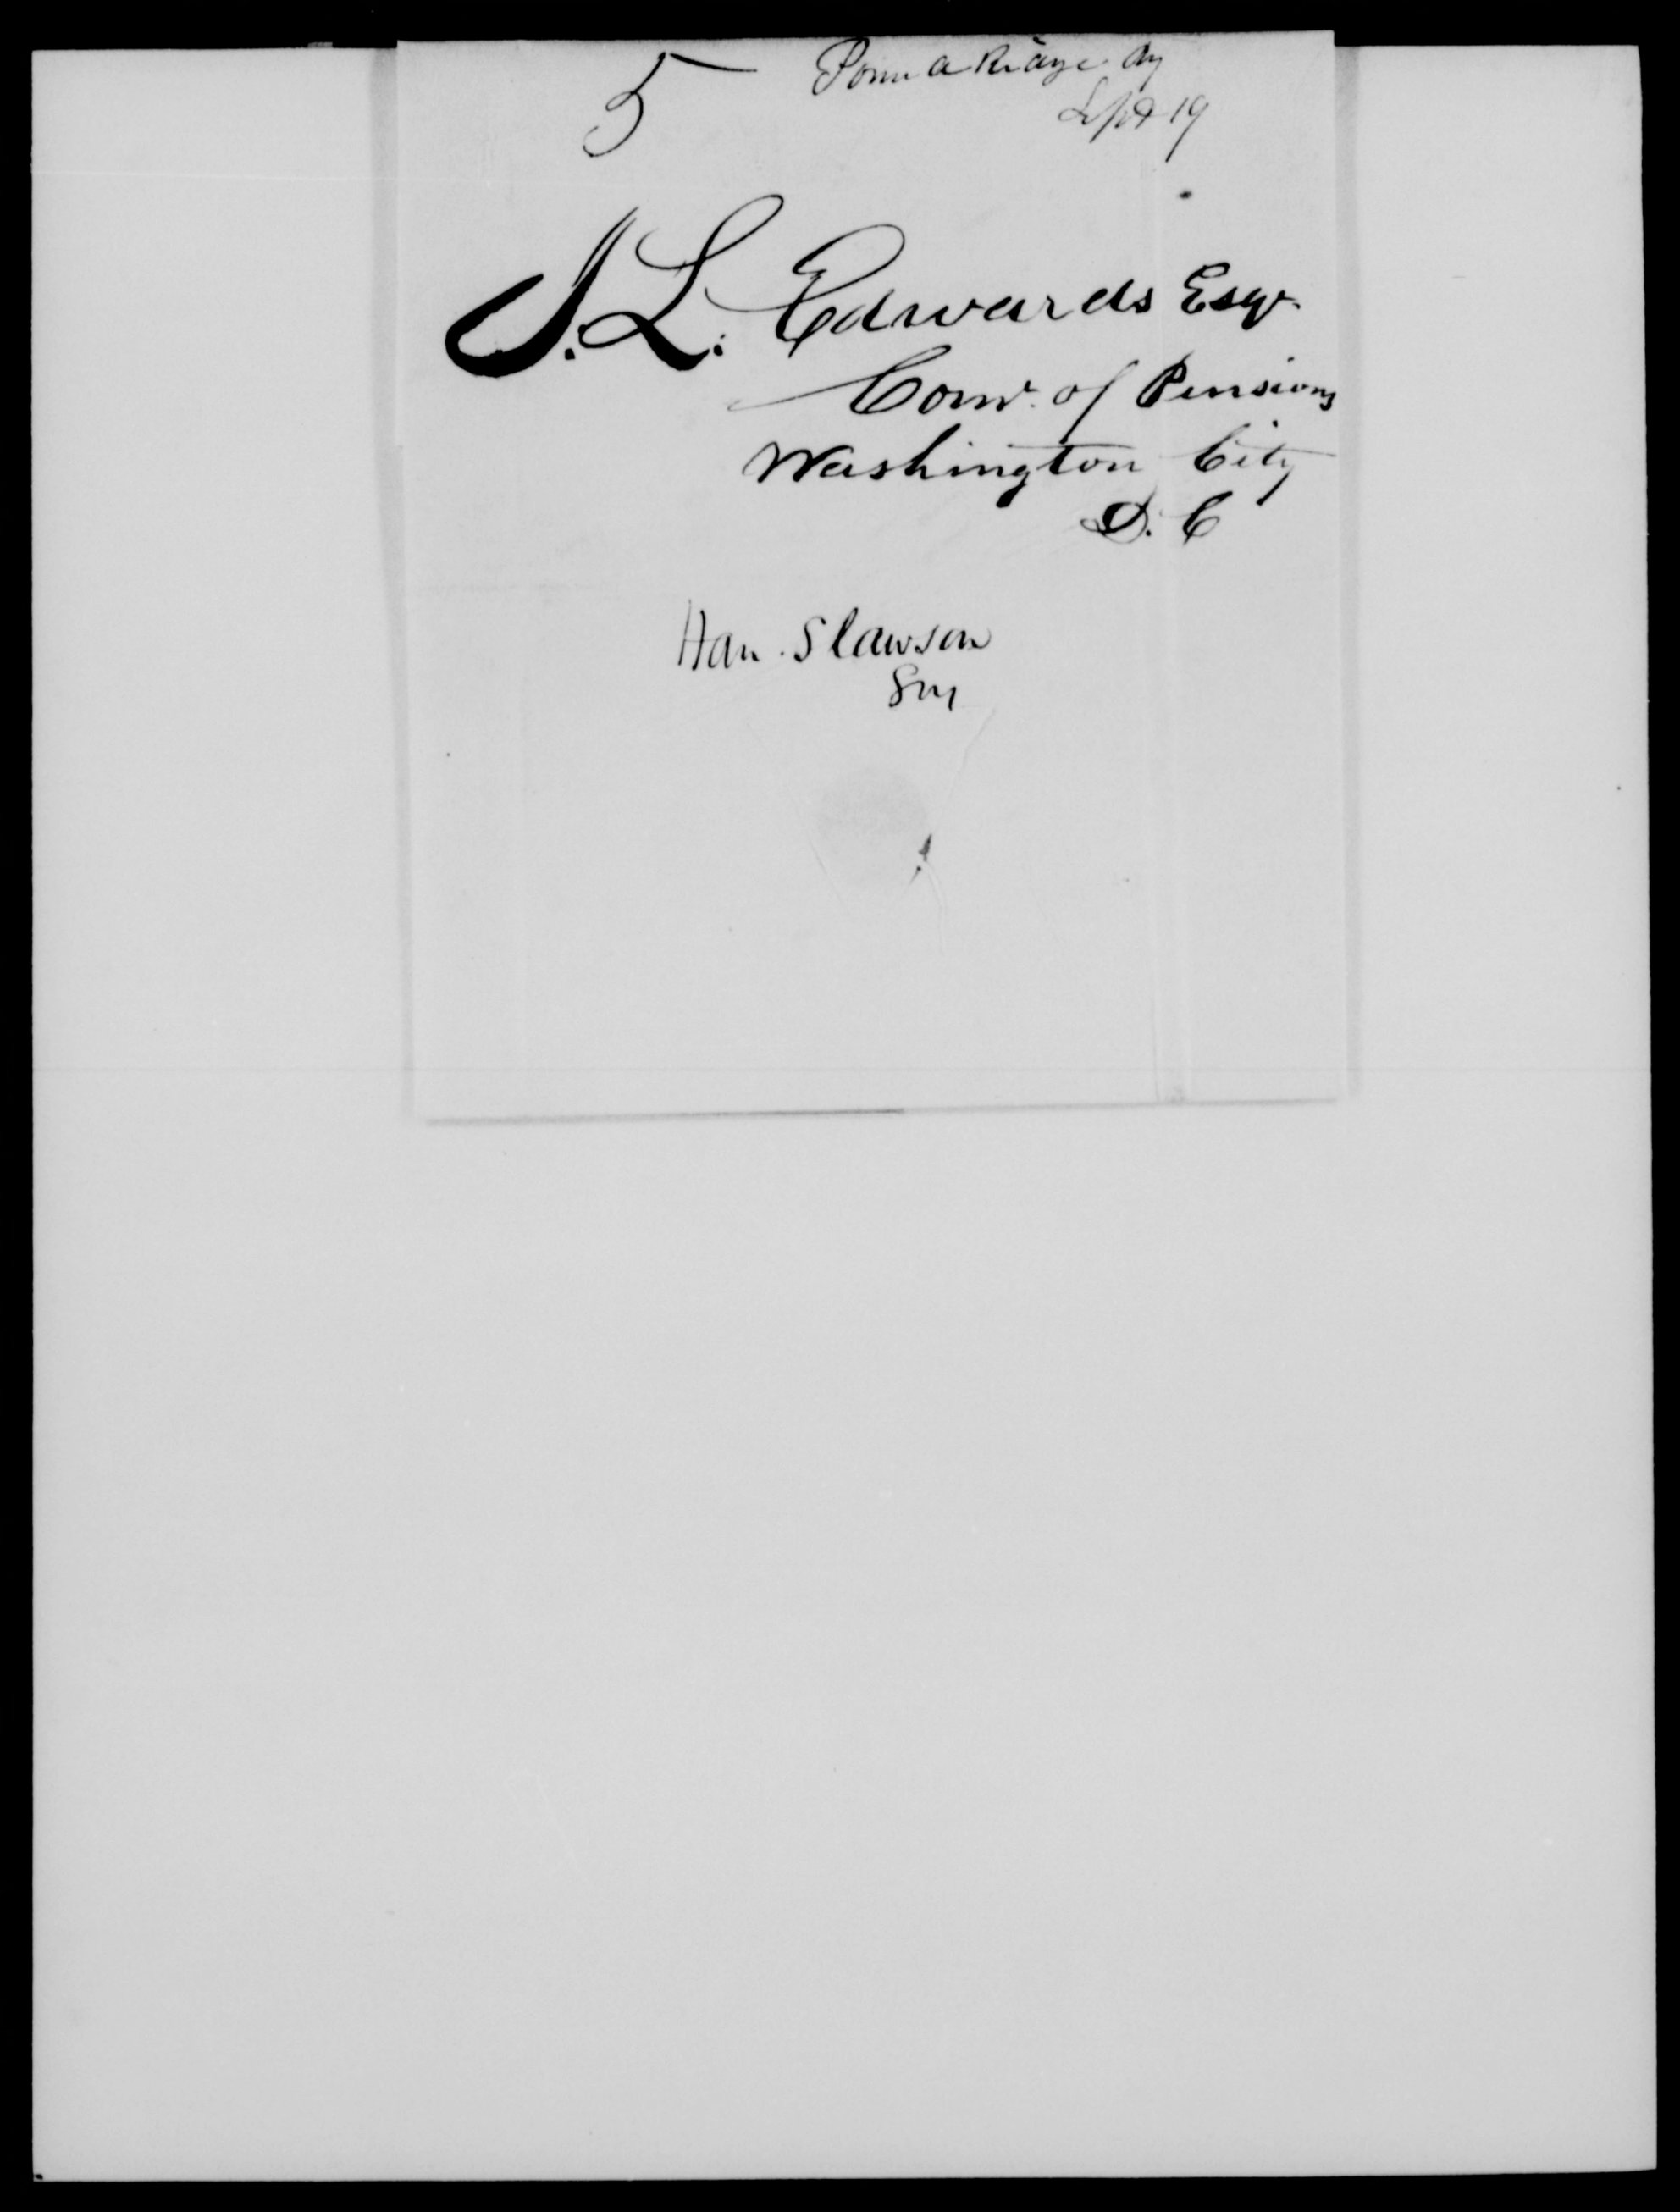5  Pound Ridge NY 
Sept 19  
J.L. Edwards Esq 
Com of Pensions 
Washington City D.C. 
Han Slawson Wid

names: J L Edwards; [BLANK] Slawson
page: 56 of 87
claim: widow's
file: W. 22,226, for Nathan Slawson, Connecticut